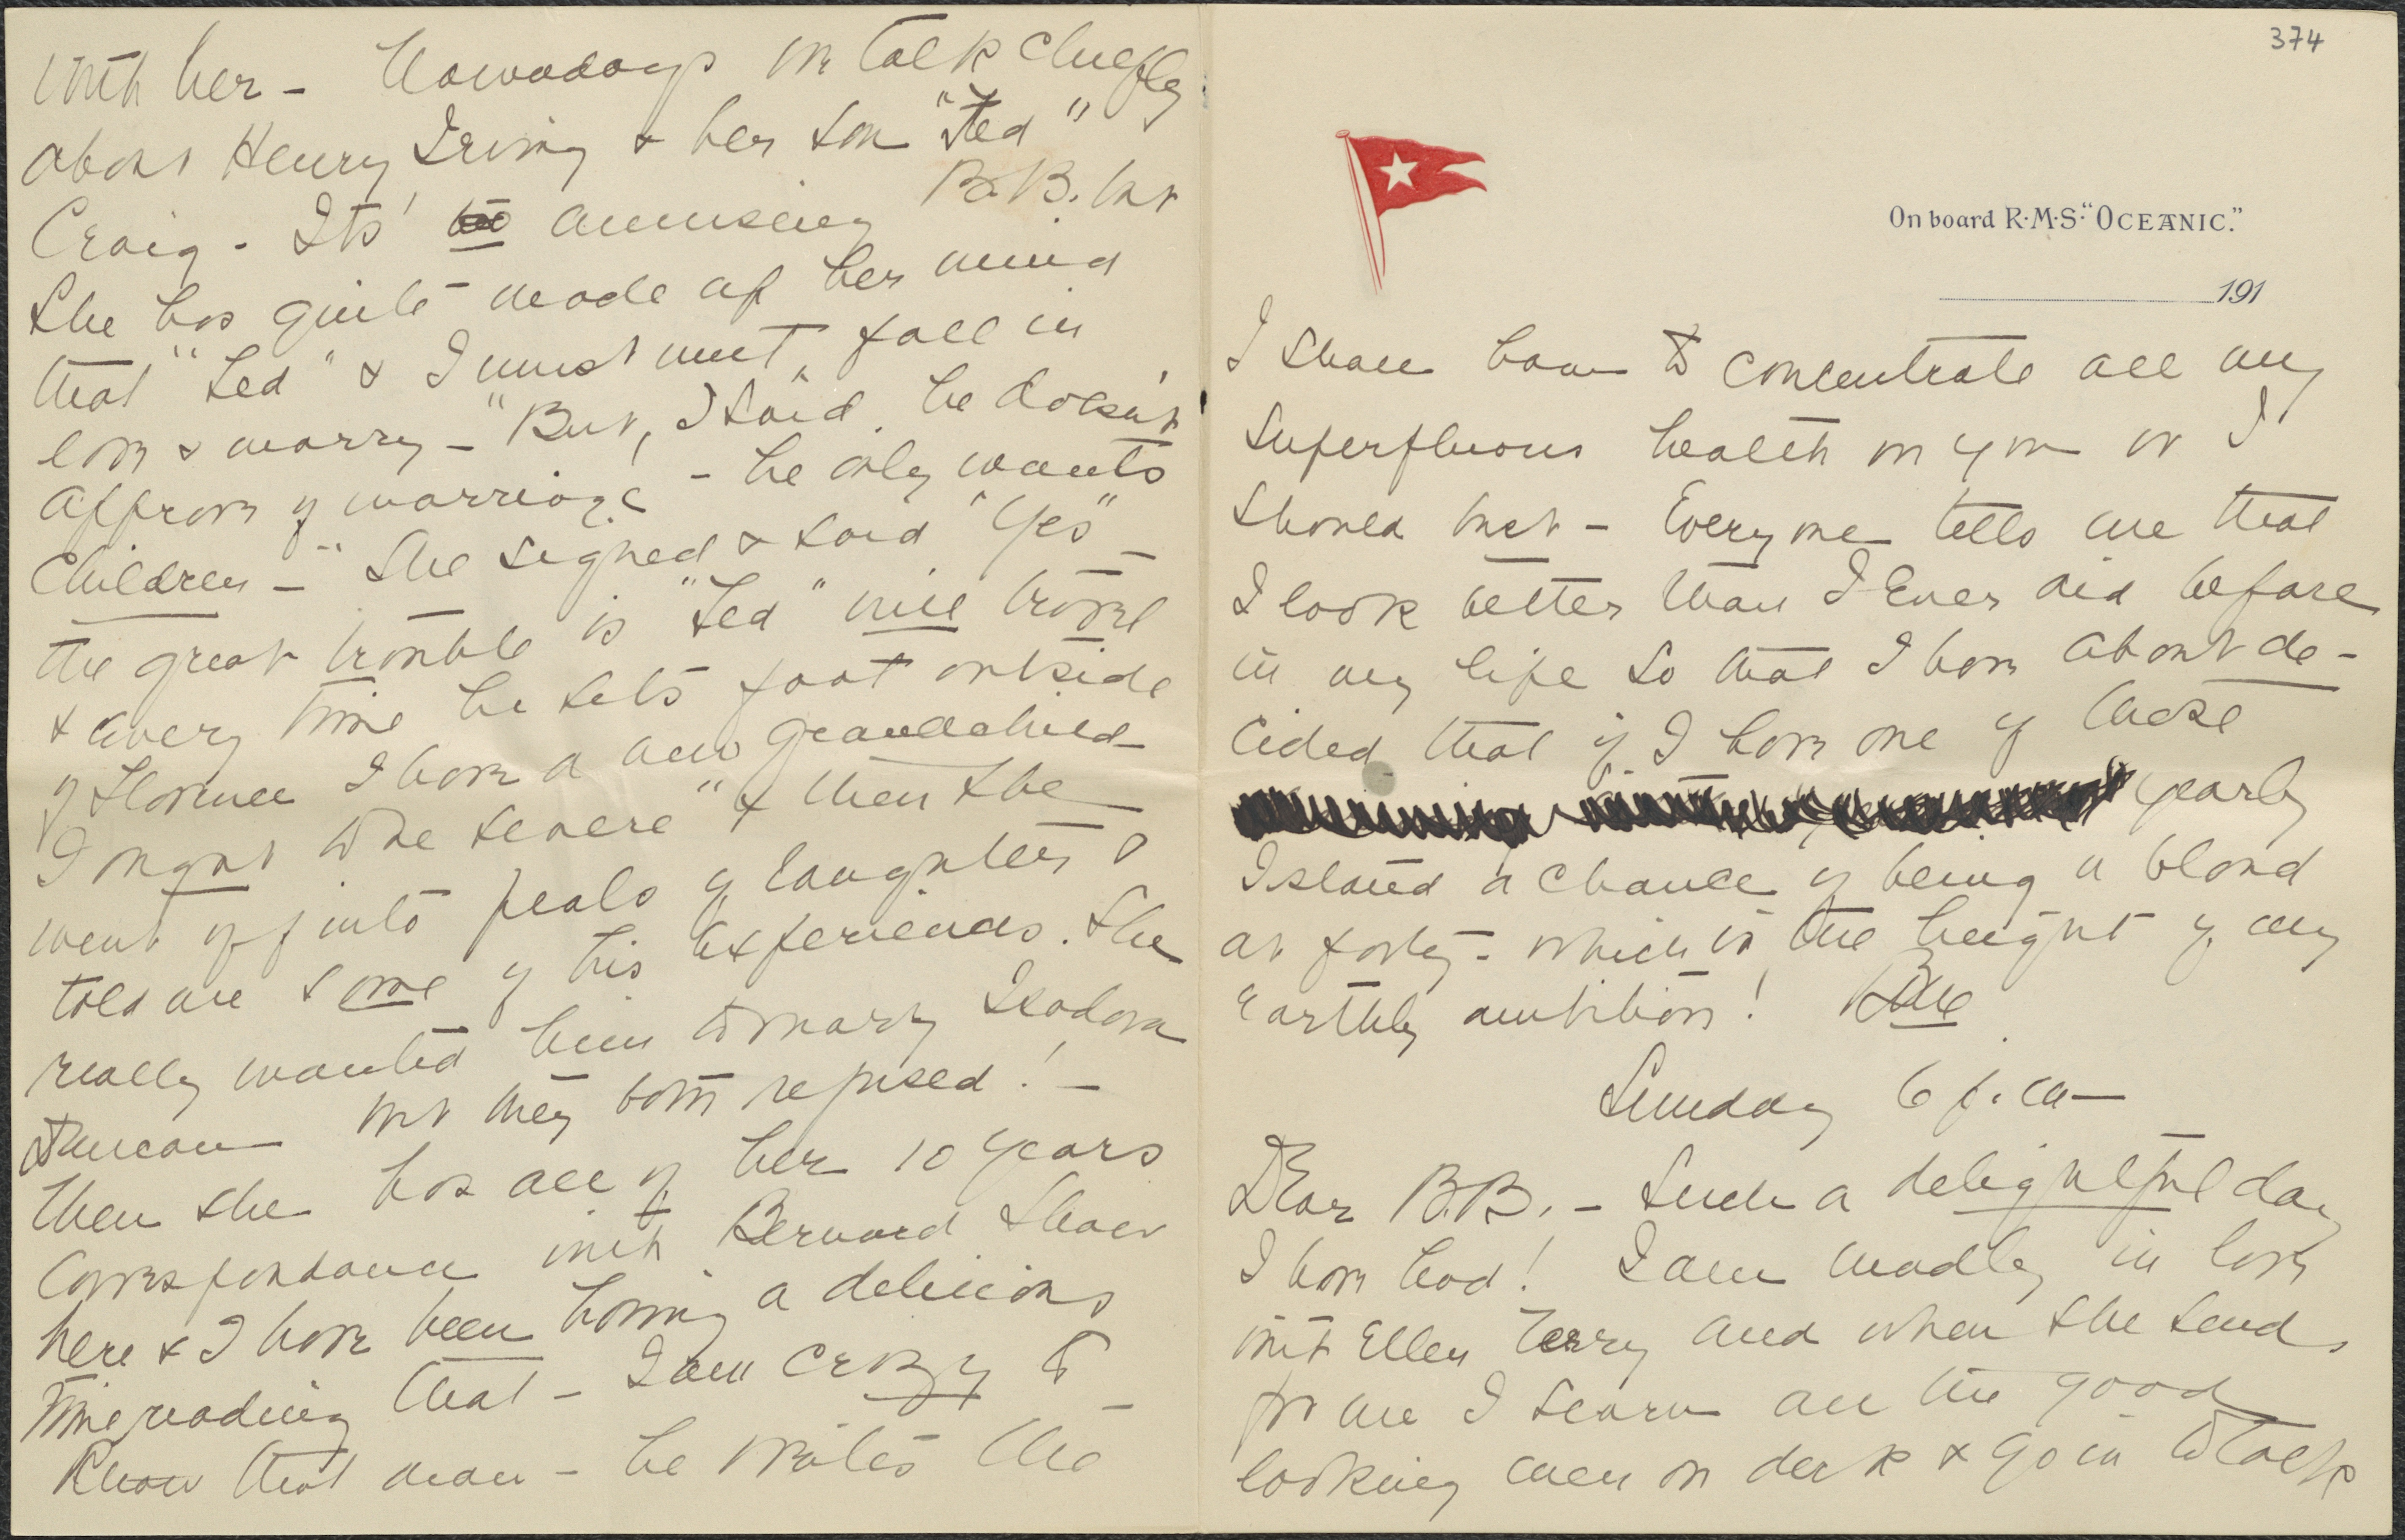I shall have to concentrate all my superfluous health on you or I should bust – Every one tells me that I look better than I ever did before in my life so that I have about decided that if I have one of those [illegible deletions] yearly I stand a chance of being a blond at forty – which is the height of my earthly ambition! Belle.
Sunday 6 p.m –
Dear B. B. – Such a delightful day I have had! I am madly in love with Ellen Terry and when she sends for me I learn all the good looking men on deck & go in to talk
with her – Nowadays we talk chiefly about Henry Irving & her son “Ted” Craig – It’s too amusing B.B. but she has quite made up her mind that “Ted” & I must meet, fall in love & marry – “But, I said, he doesn’t approve of marriage – he only wants children –” She sighed & said “Yes” – the great trouble is “Ted” will travel & every time he sets foot outside of Florence I have a new grandchild – I ought to be severe” & then she went off into peals of laughter & told me some of his experiences. She really wanted him to marry Isadora Duncan but they both refused! – Then she has all of her 10 years correspondance [sic] with Bernard Shaw here & I have been having a delicious time reading that – I am crazy to know that man – he writes the